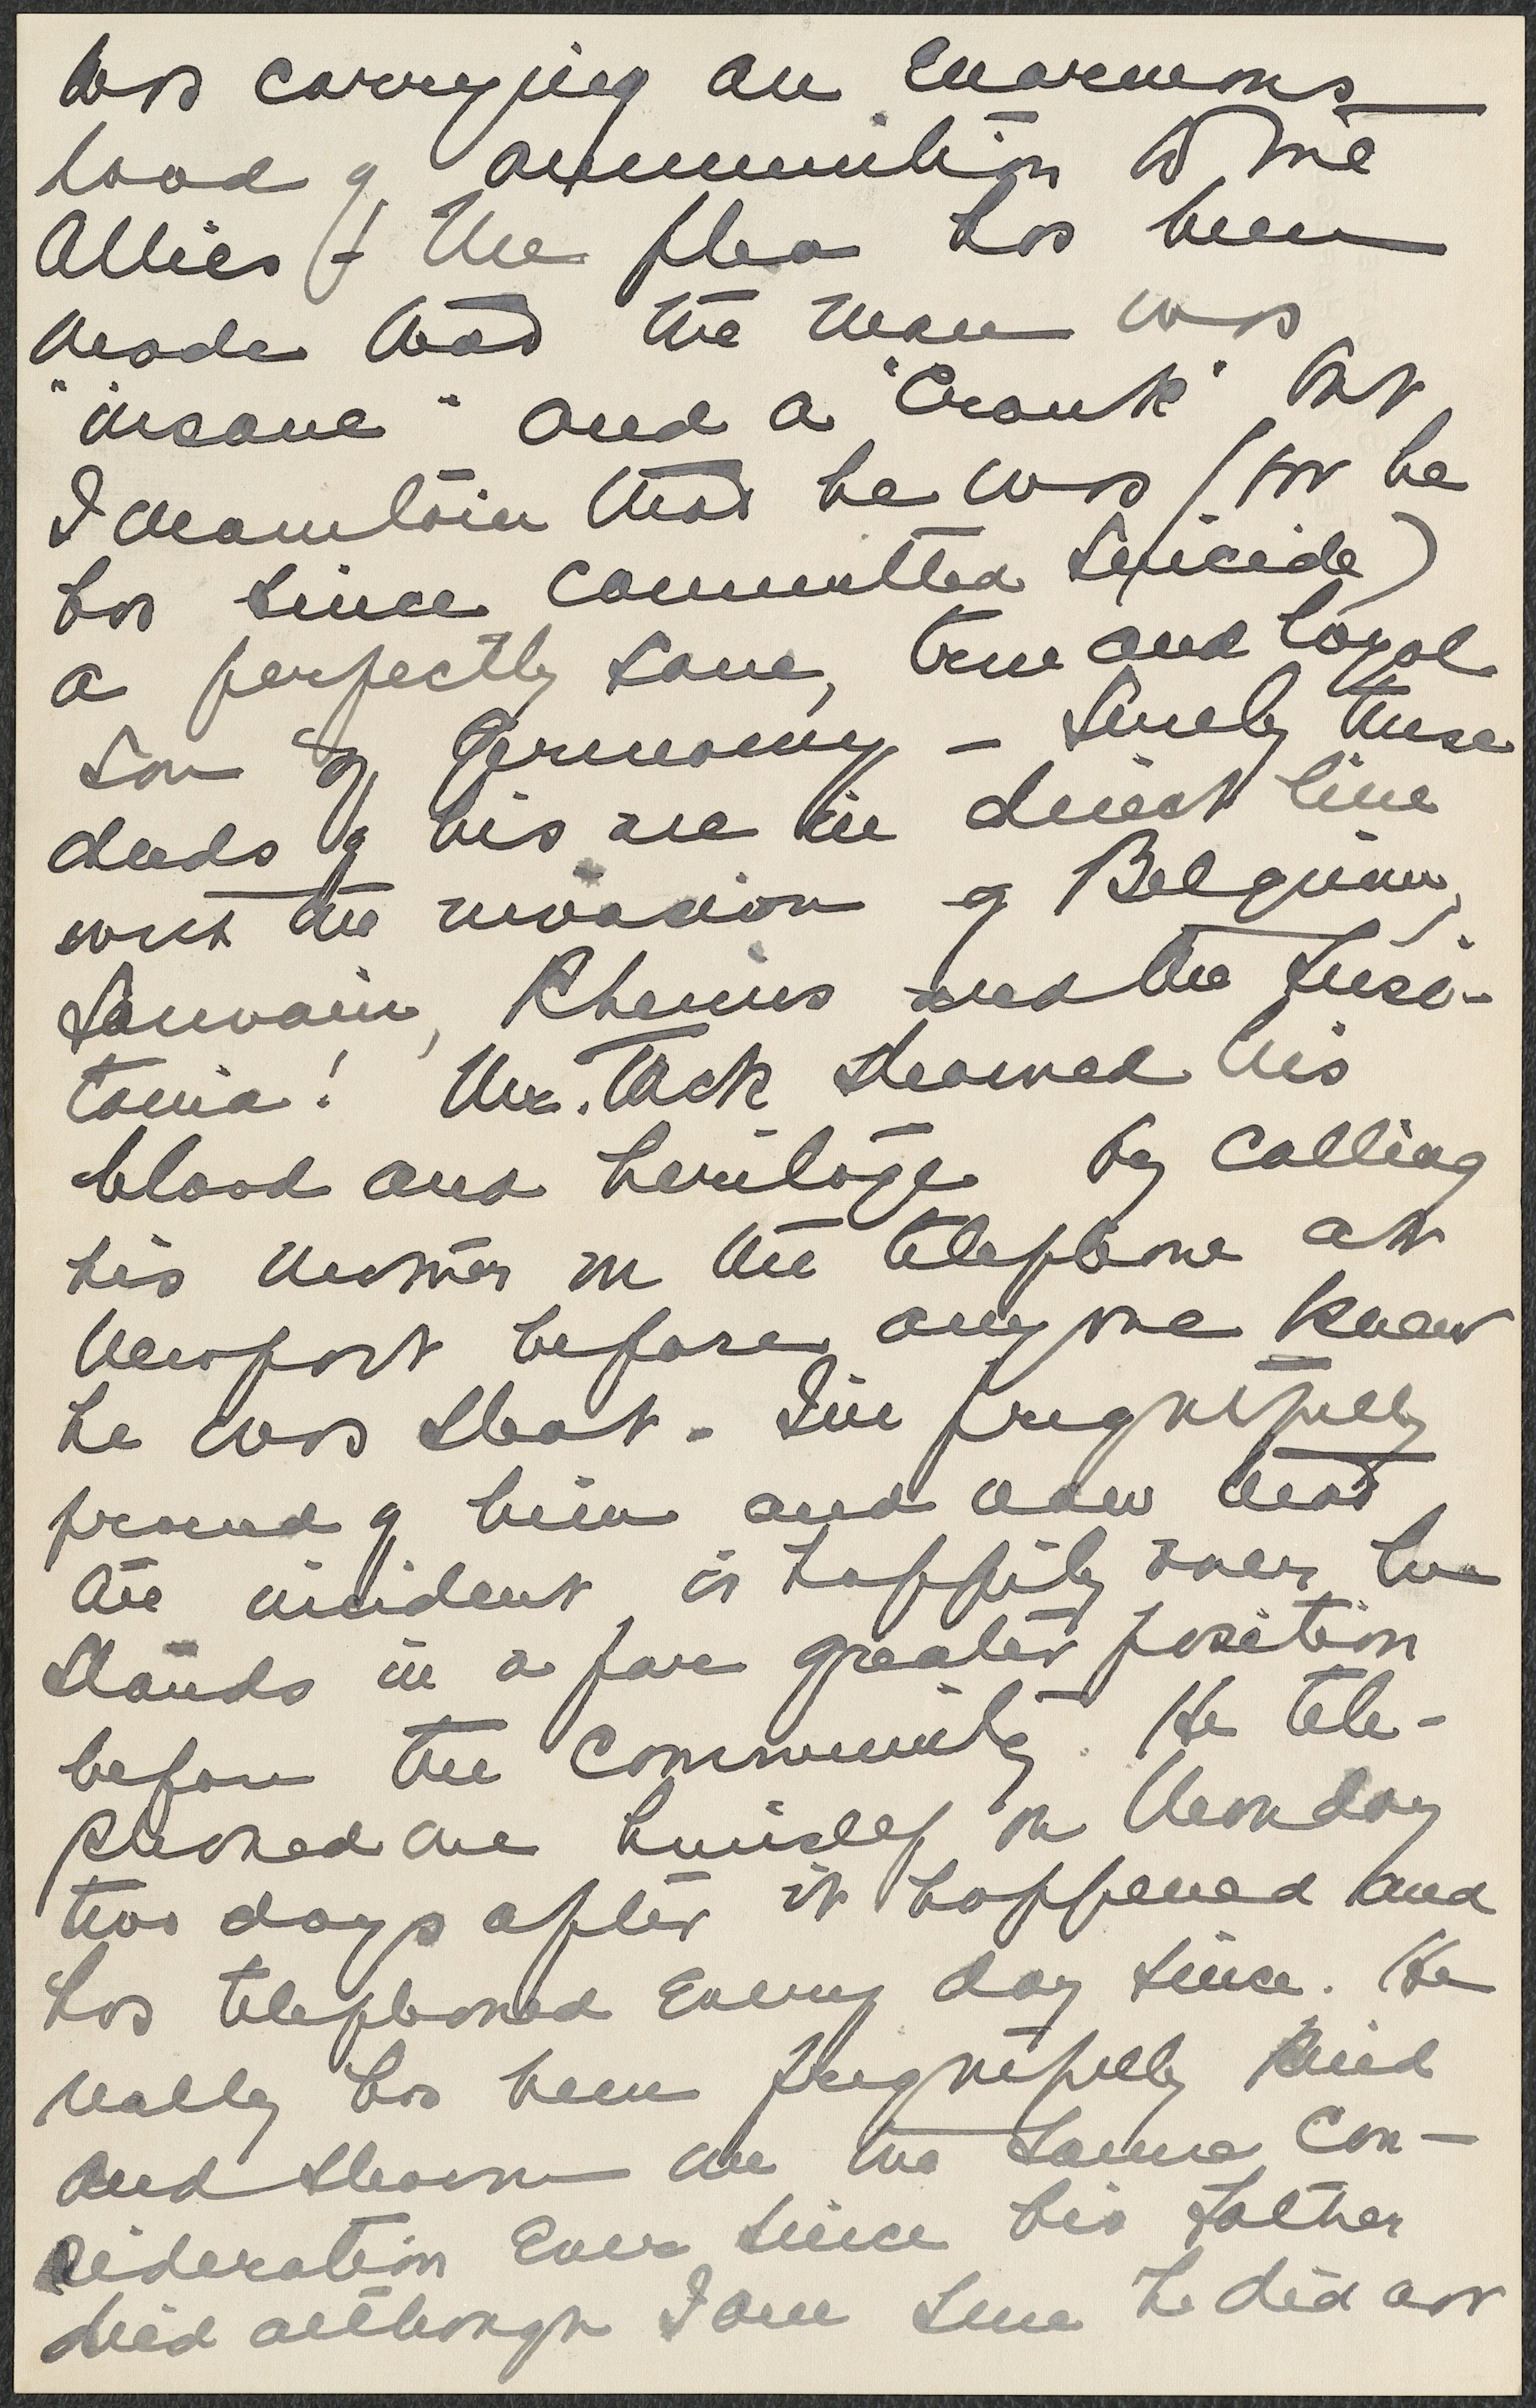was carrying an enormous load of ammunition to the Allies – the plea has been made that the man was “insane” and a “crank” but I maintain that he was (for he has since committed suicide) a perfectly sane, true and loyal son of Germany – Surely these deeds of his are in direct line with the invasion of Belgium, Louvain, Rheims and the Lusitania! Mr. Jack showed his blood and heritage by calling his mother on the telephone at Newport before anyone knew he was shot – I’m frightfully proud of him and now that the incident is happily over he stands in a far greater position before the community. He telephoned me himself on Monday two days after it happened and has telephoned every day since. He really has been frightfully kind and shows me the same consideration ever since his father did although I am sure he did not